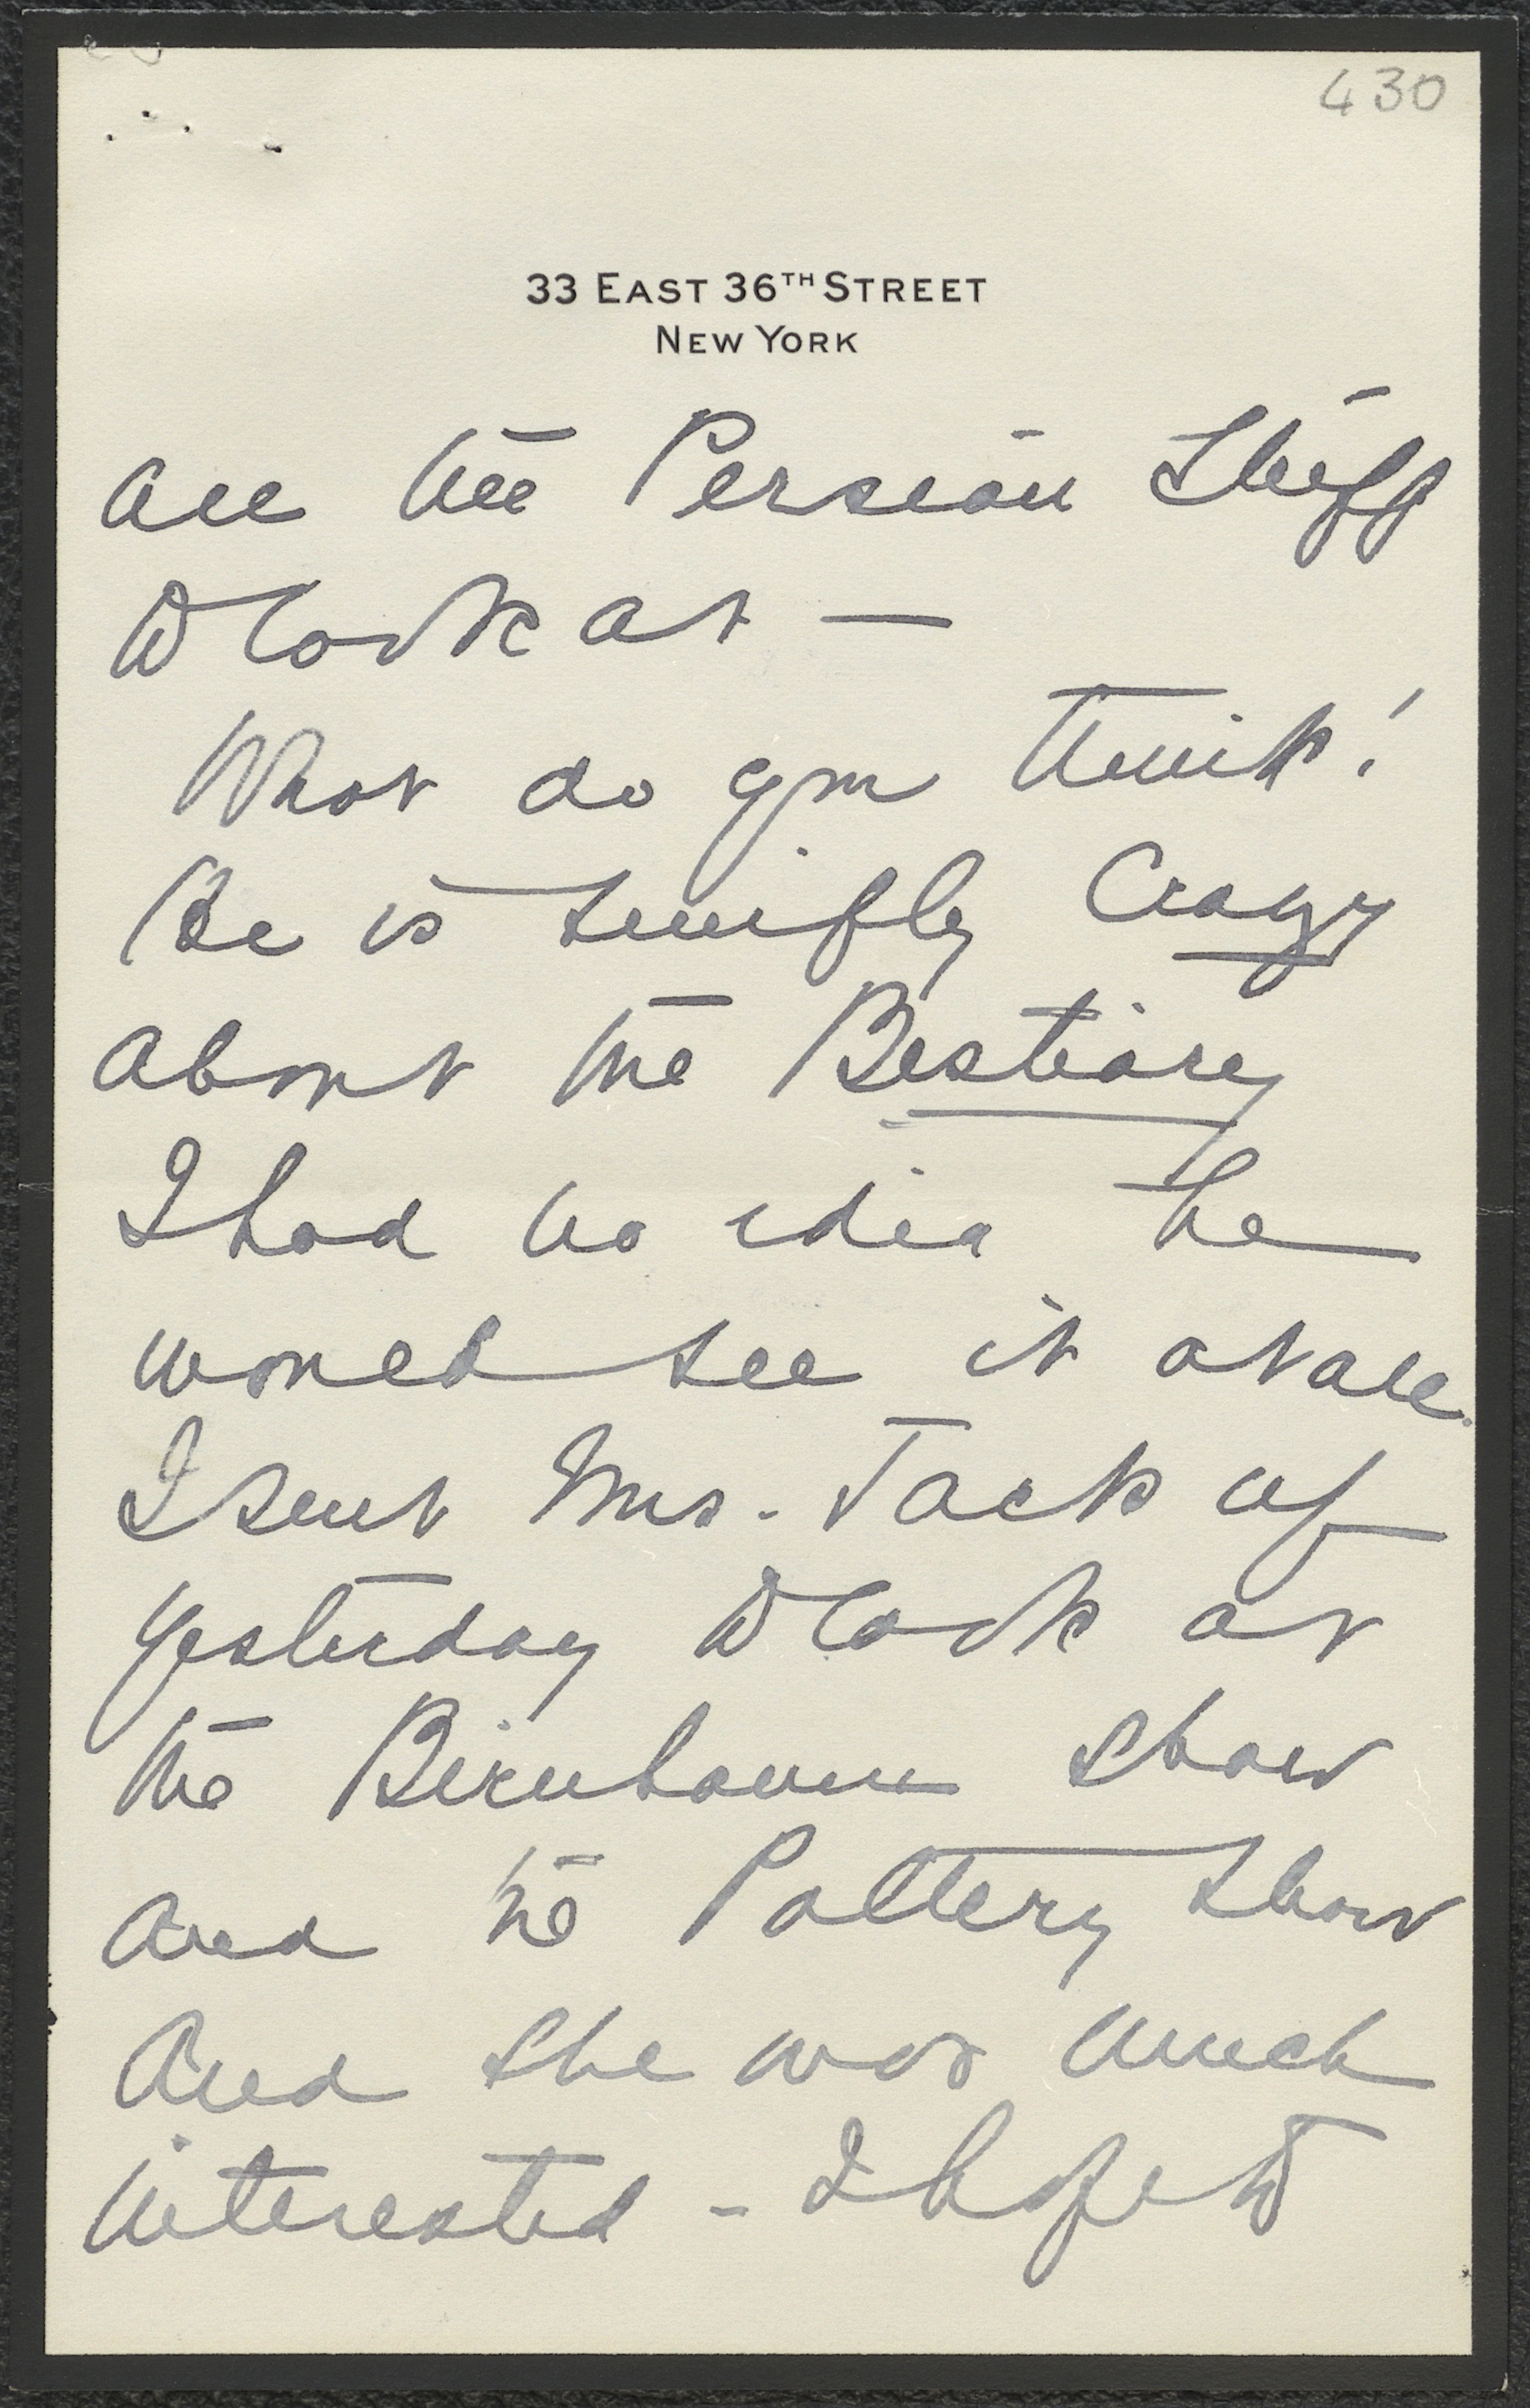all the Persian stuff to look at –
What do you think! He is simply crazy about the Bestiary I had no idea he would see it at all
I sent Mrs. Jack up yesterday to look at the Birnbaum show and the pottery show and she was much interested – I hope to